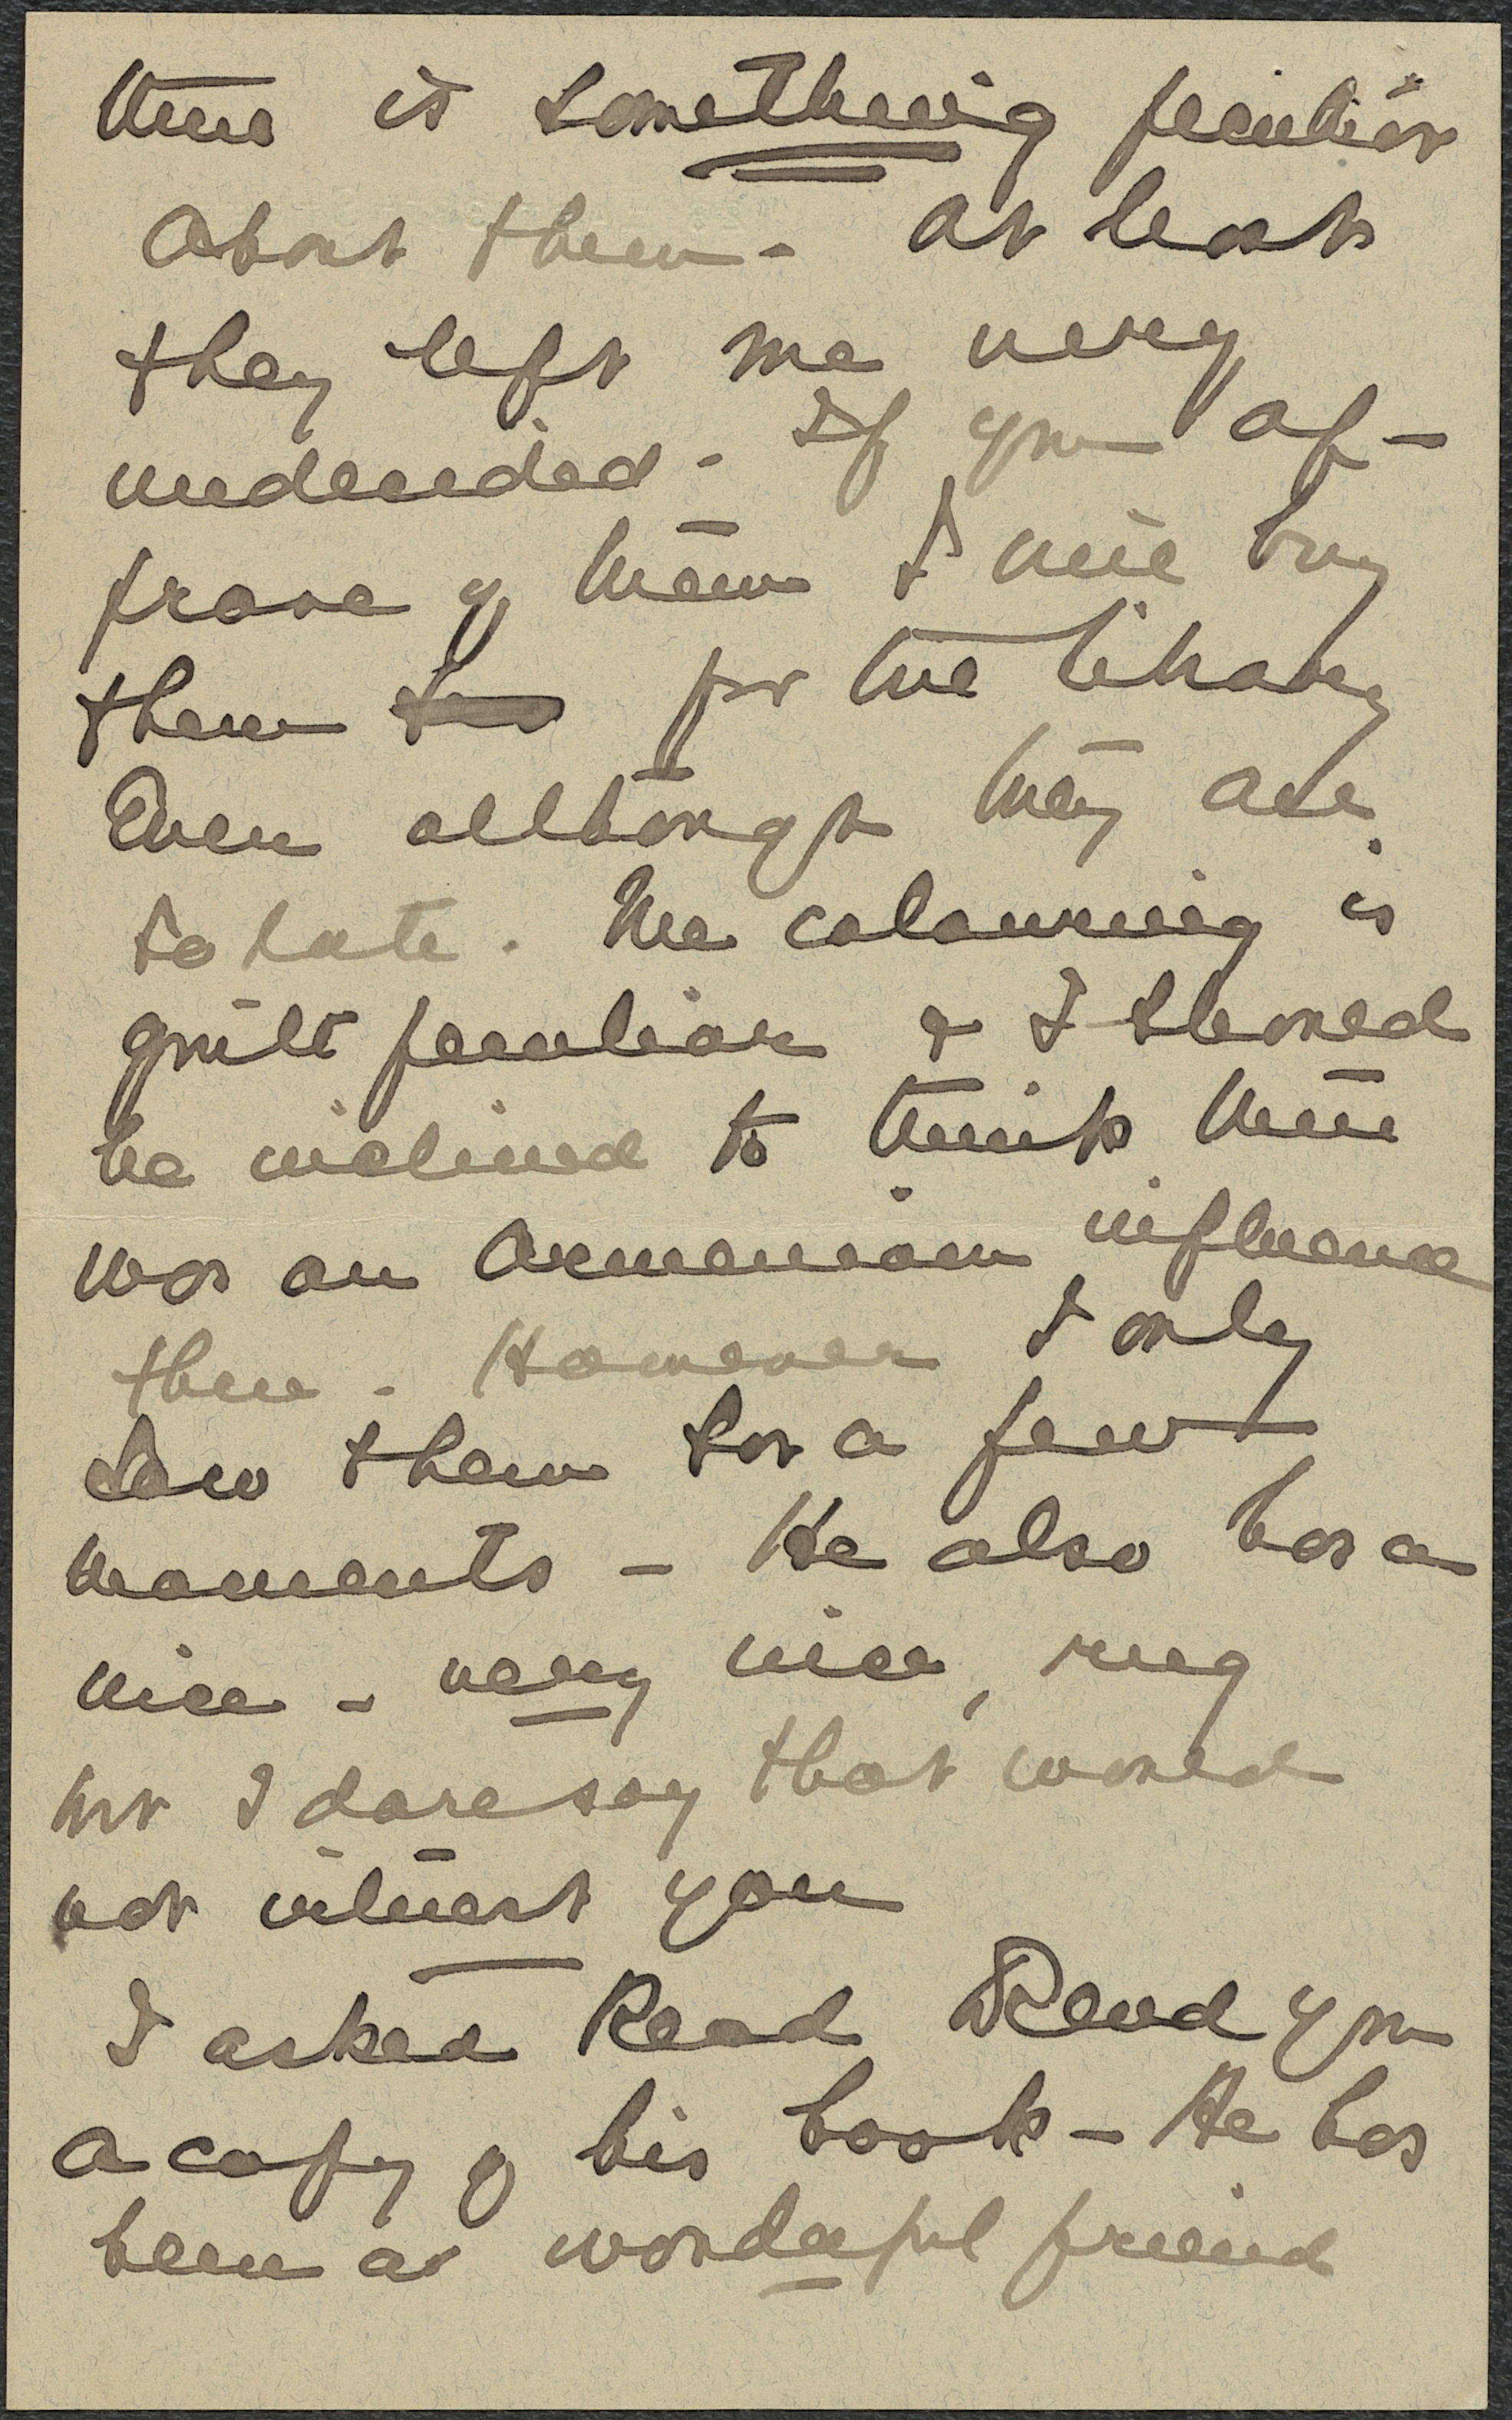there is [double underlined: something] peculiar about them – At least they left me very undecided – If you approve of them I will buy them fa for the Library even although they are so late. The colouring is quite peculiar & I should be inclined to think there was an Armenian influence there. However, I only saw them for a few moments – He also has a nice – very nice, rug but I daresay that would not interest you
I asked Read send you a copy of his book– he has been a wonderful friend